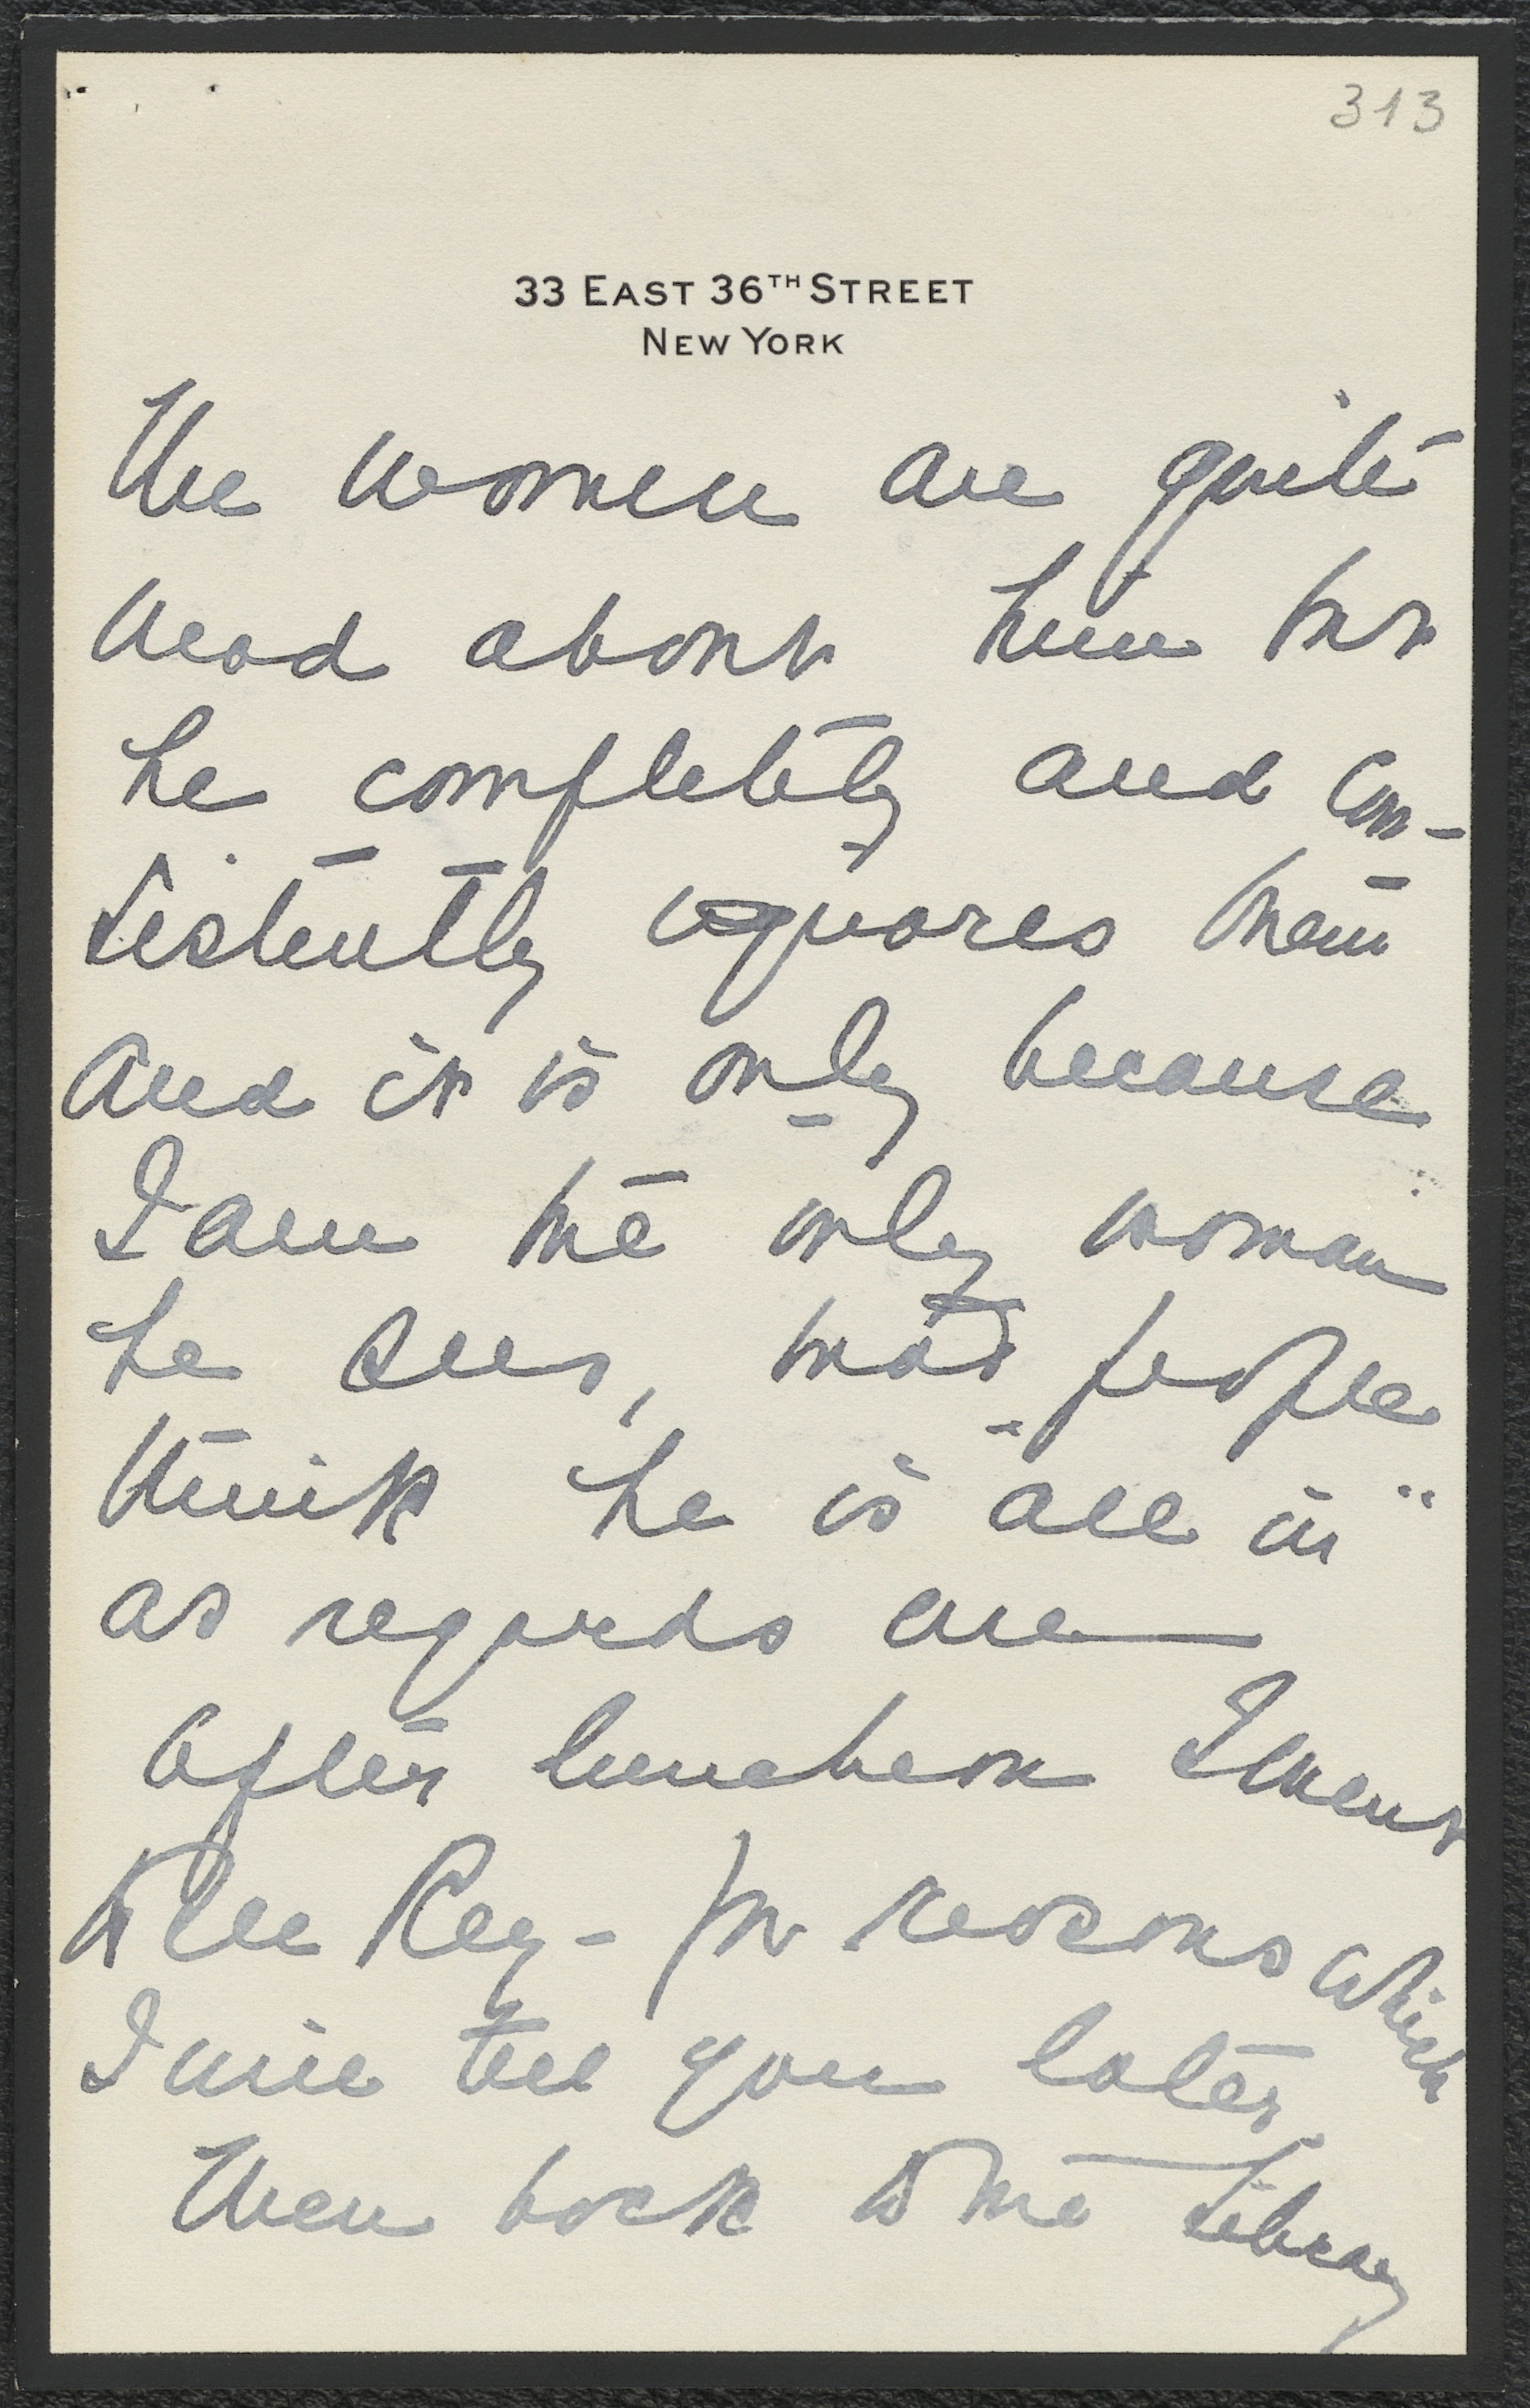the women are quite mad about him but he completely and consistently ignores them and it is only because I am the only woman he sees, that people think he is “all in” as regards me
After luncheon I went to see Rey – for reasons which I will tell you later
Then back to the Library